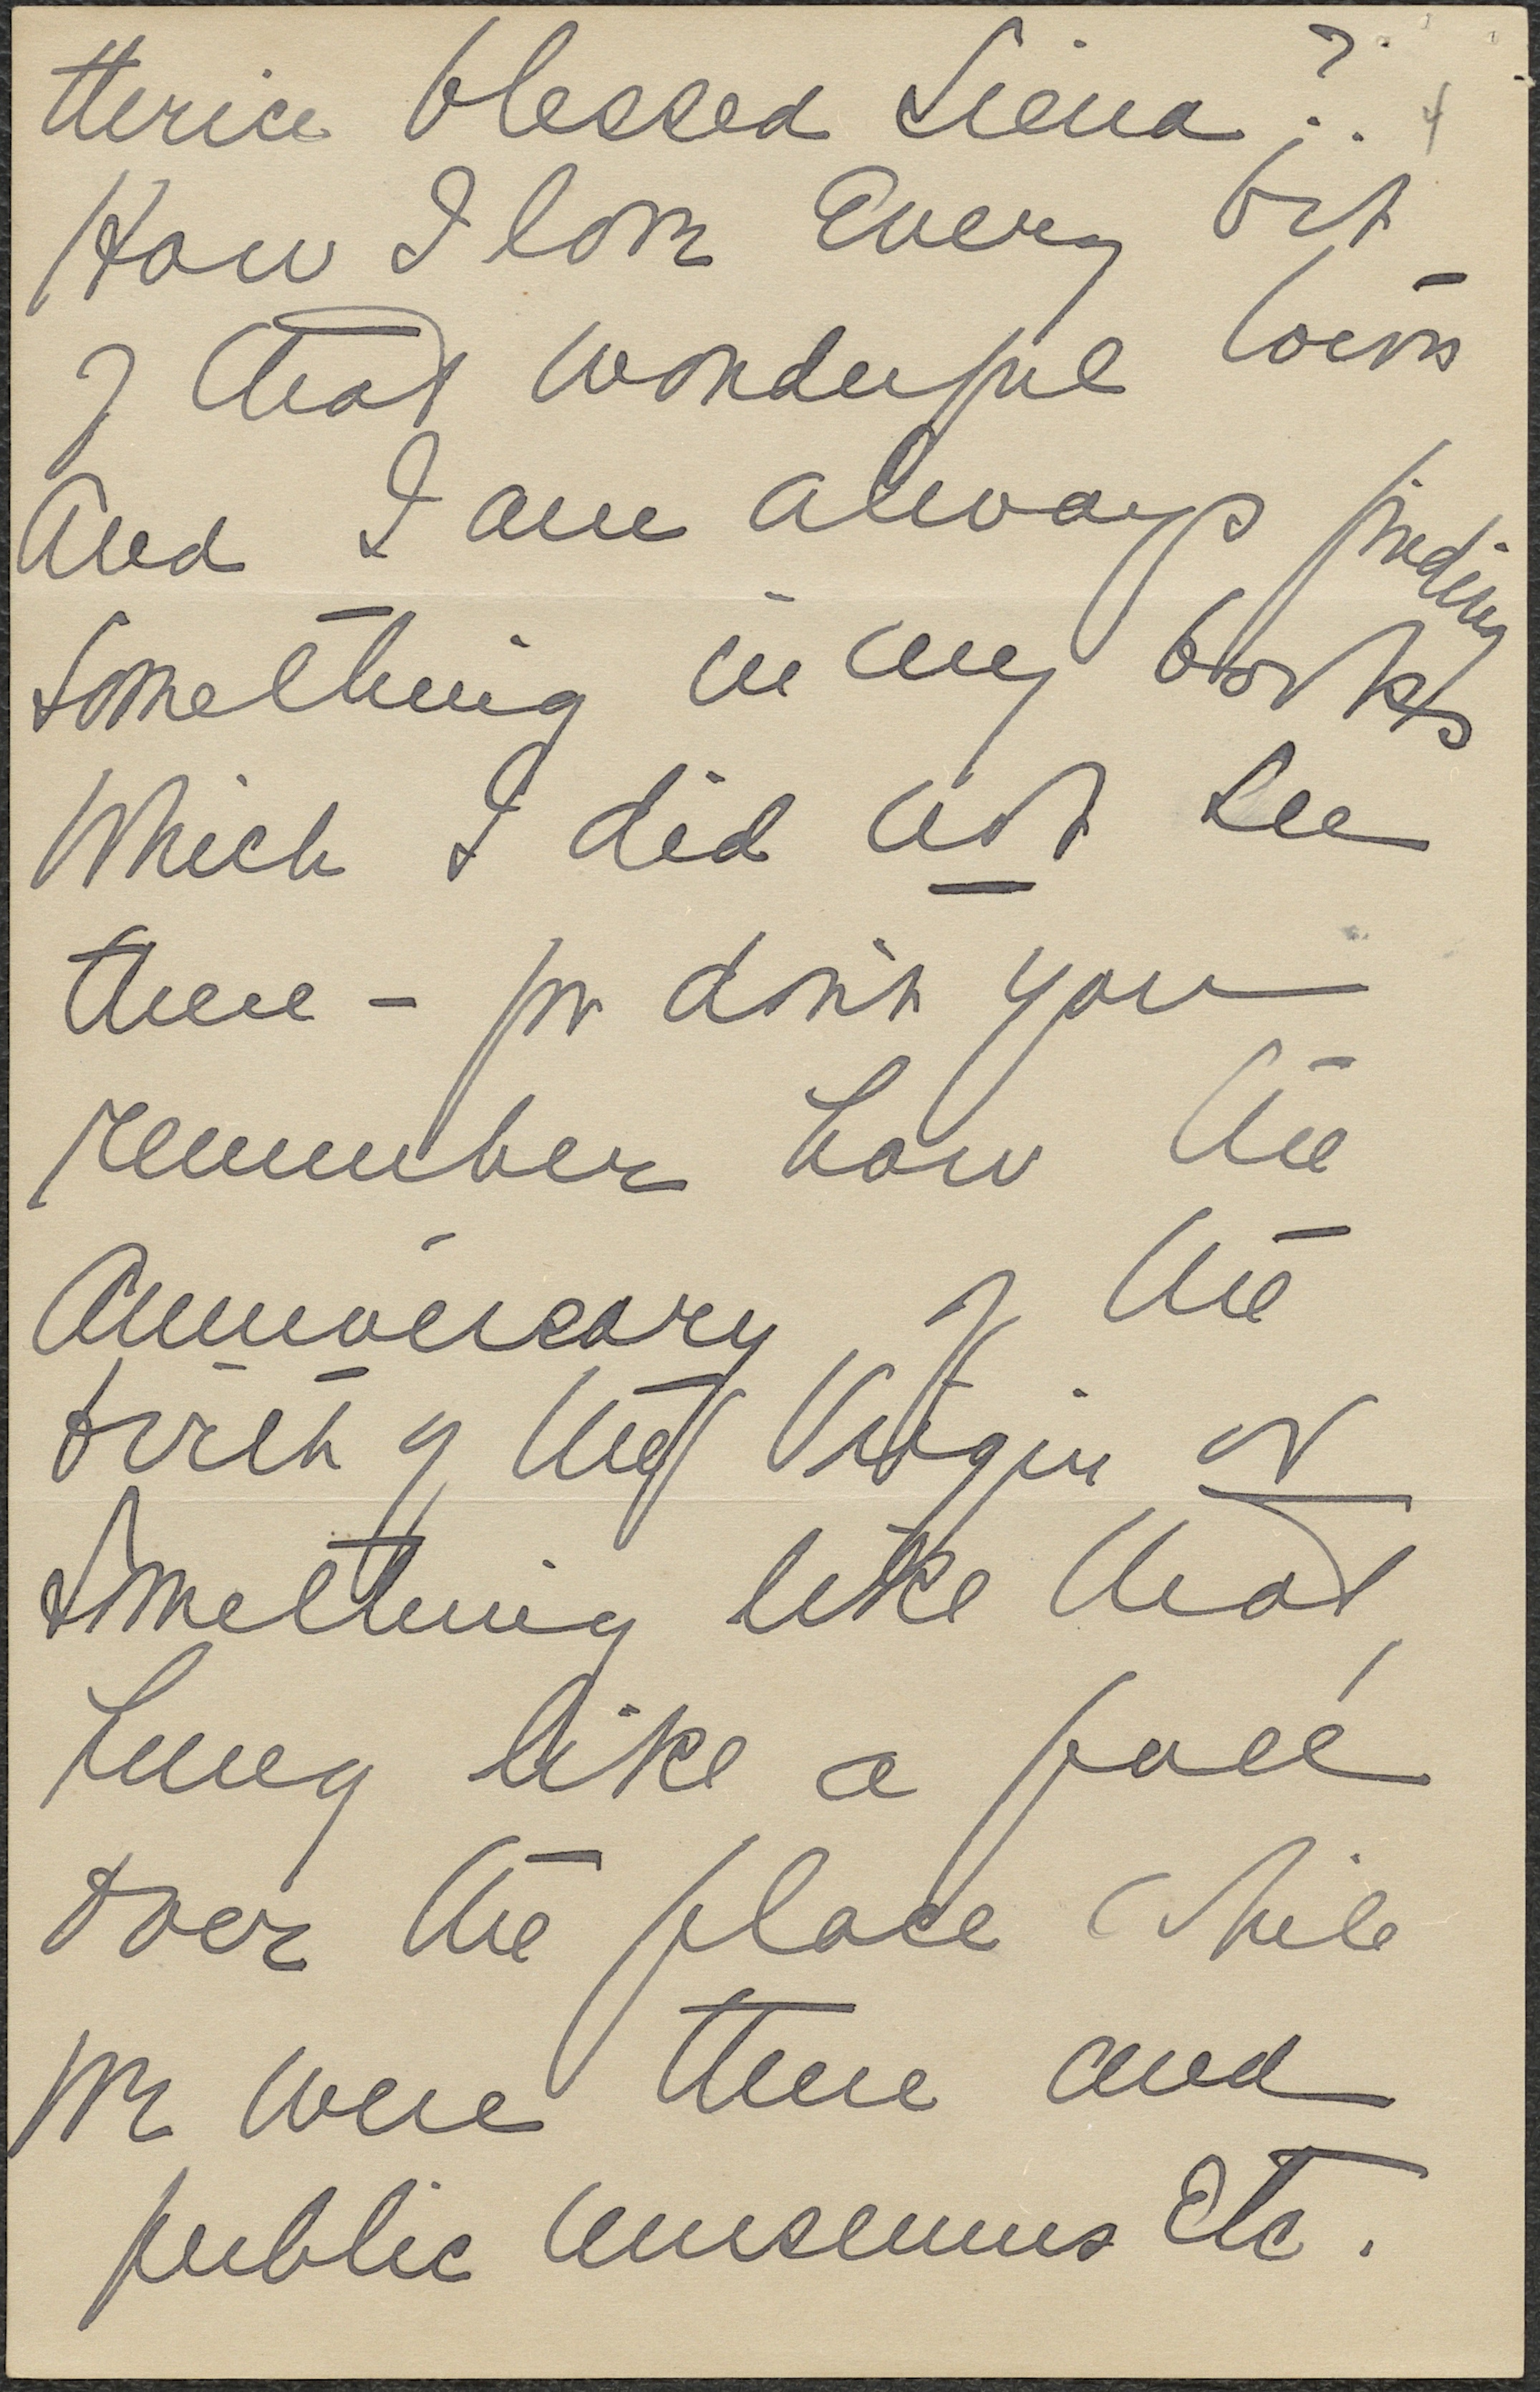thrice blessed Siena? How I love every bit of that wonderful town and I am always finding something in my books which I did not see there – for don’t you remember how the Anniversary of the birth of the Virgin or something like that, hung like a pall over the place while we were there and public museums etc.